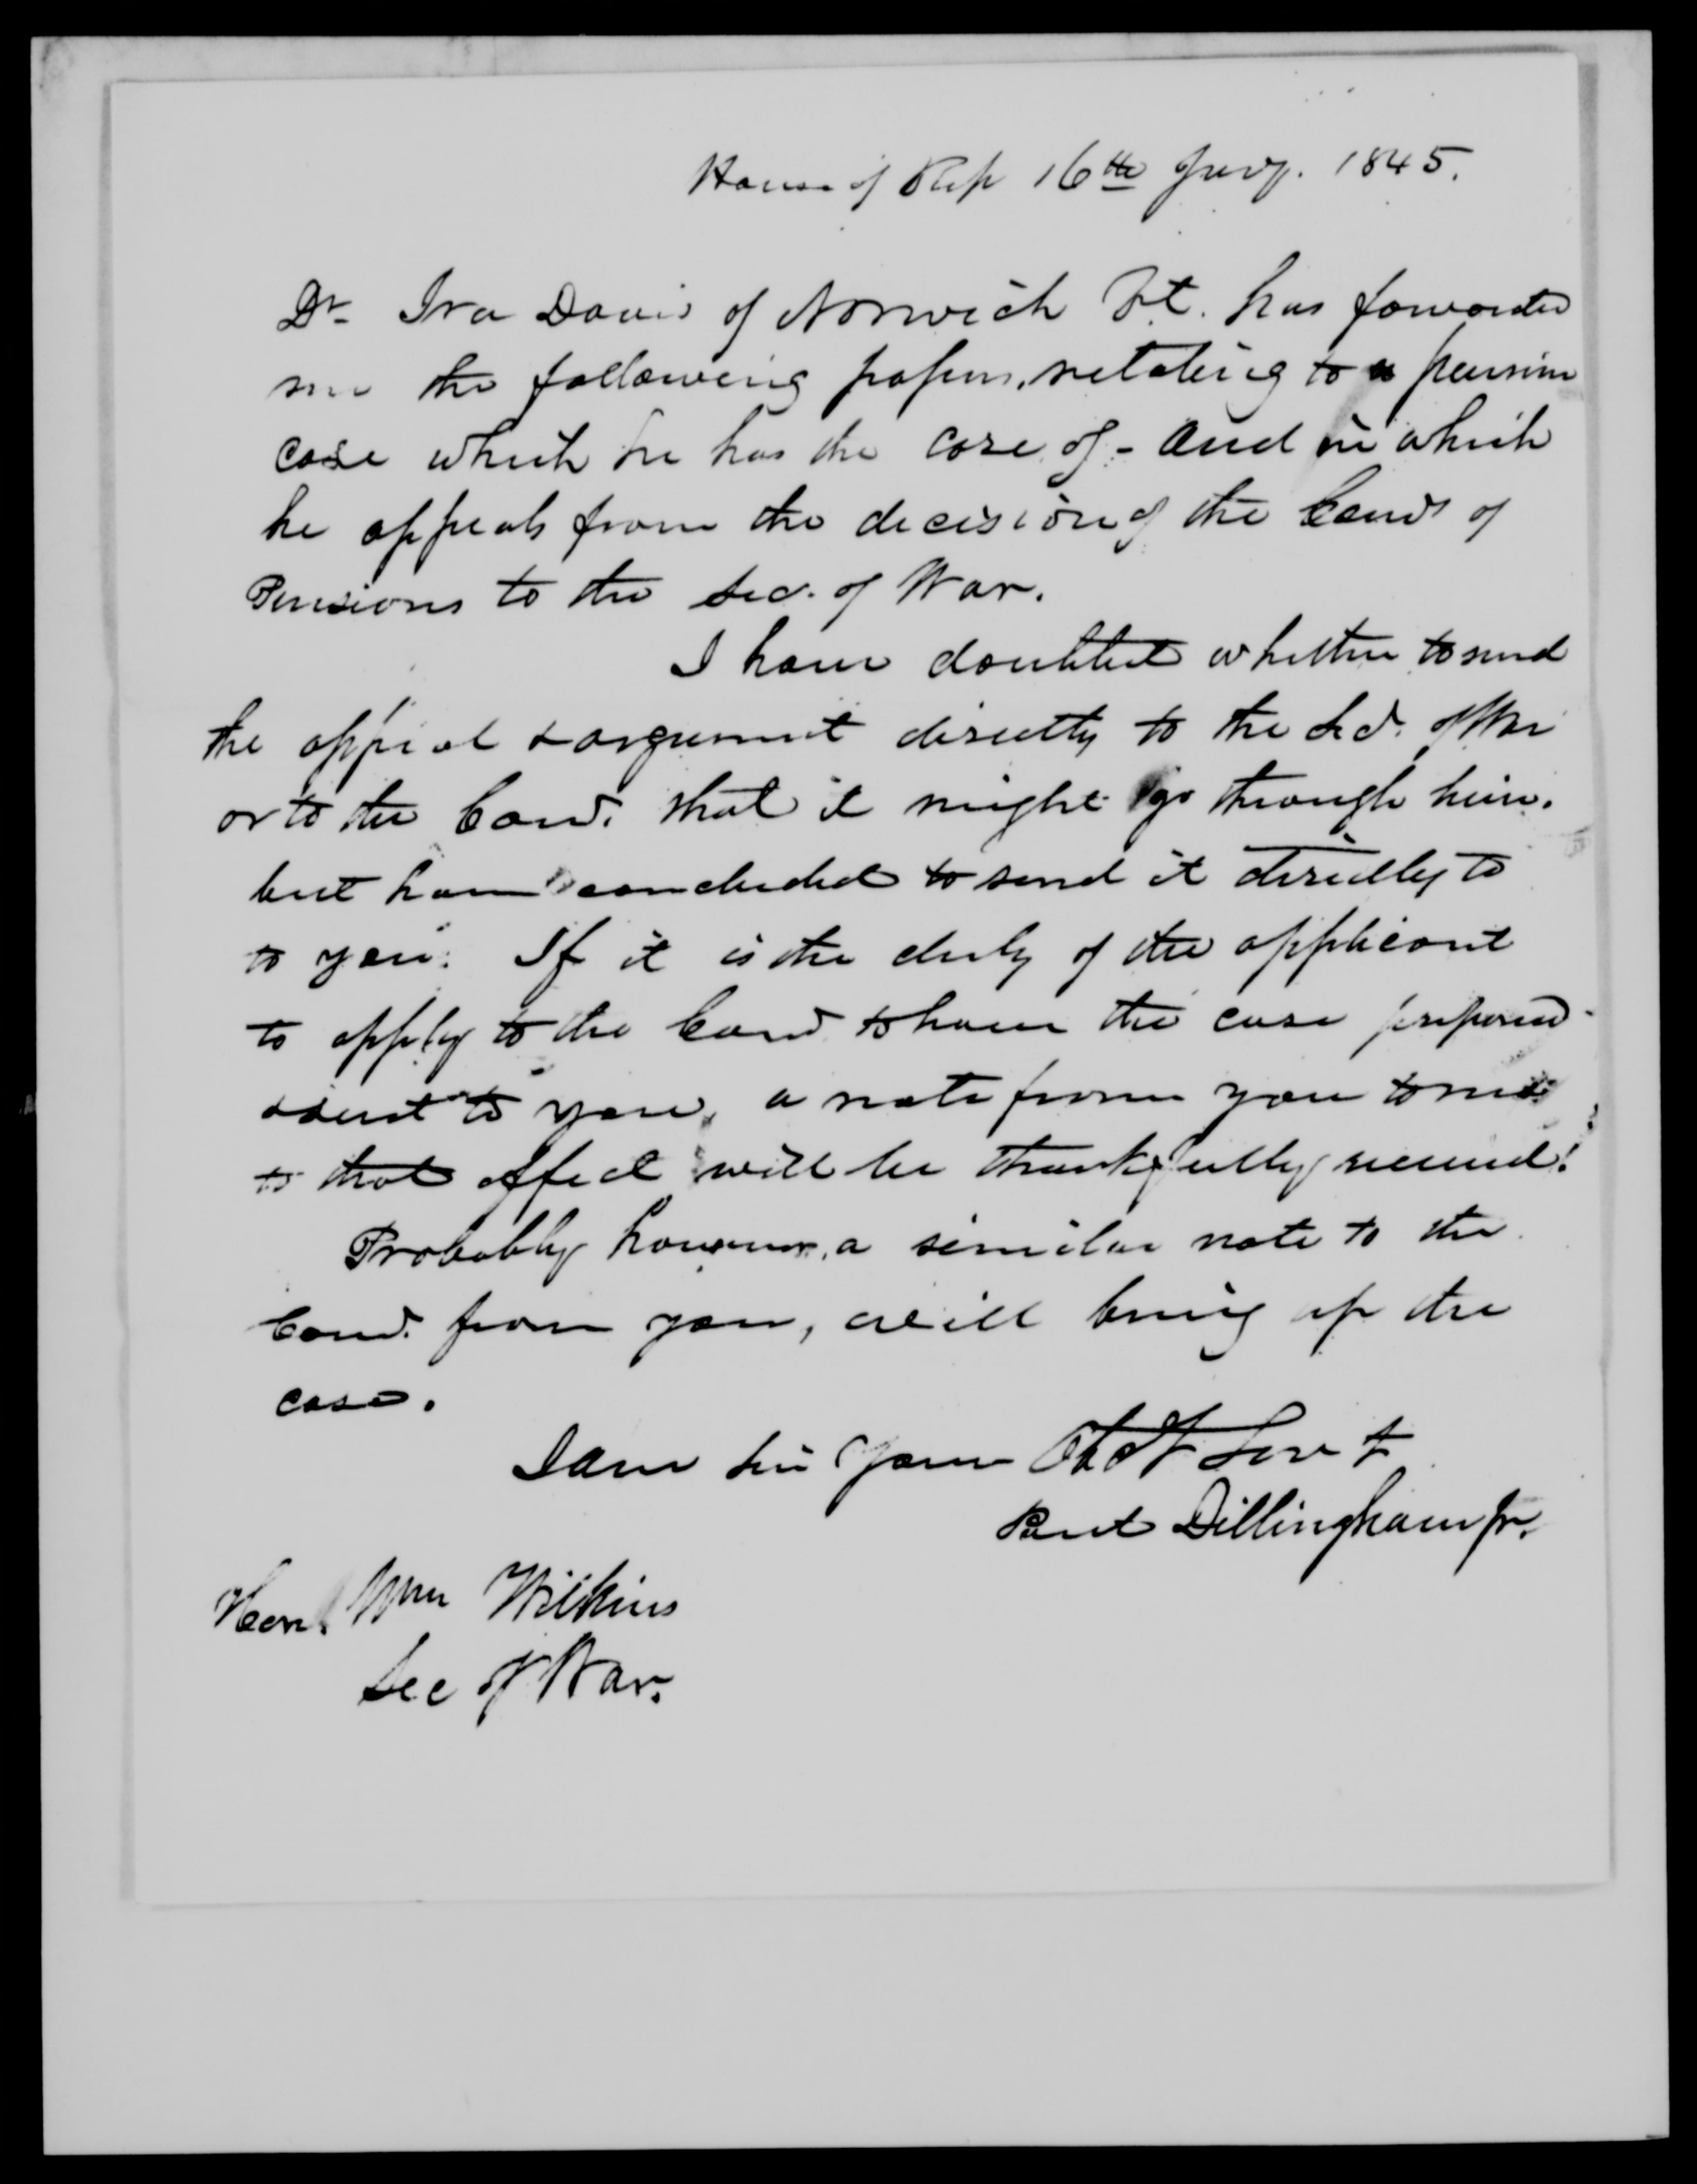House of Rep 16th July 1845
Dr Ira Davis of Norwich has forwarded me the following papers relating to pension case which he has the case of and in which he appeals from the decision of the lands of Pensions to the Sec. of War 
I have debated whether to send the appeal & argument directly to the sec of war or to the Comm, that it might go through him but have concluded to send it directly to you. If it is the duty of the applicant to apply to the Comm to have the case prepared & not to you a note from you to that effect will be thankfully received. Probably however a similar note to the Comm from you, will bring up the case 
I am his obdt svt
Paul Dillingham Jr.
Hoon Wm WilkinsSec of War.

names: Ira Davis, Paul Dillingham, Wm Wilkins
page: 31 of 40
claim: widow's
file: W. 18,426, Abel Wilder, Mass. N.H. Vt.